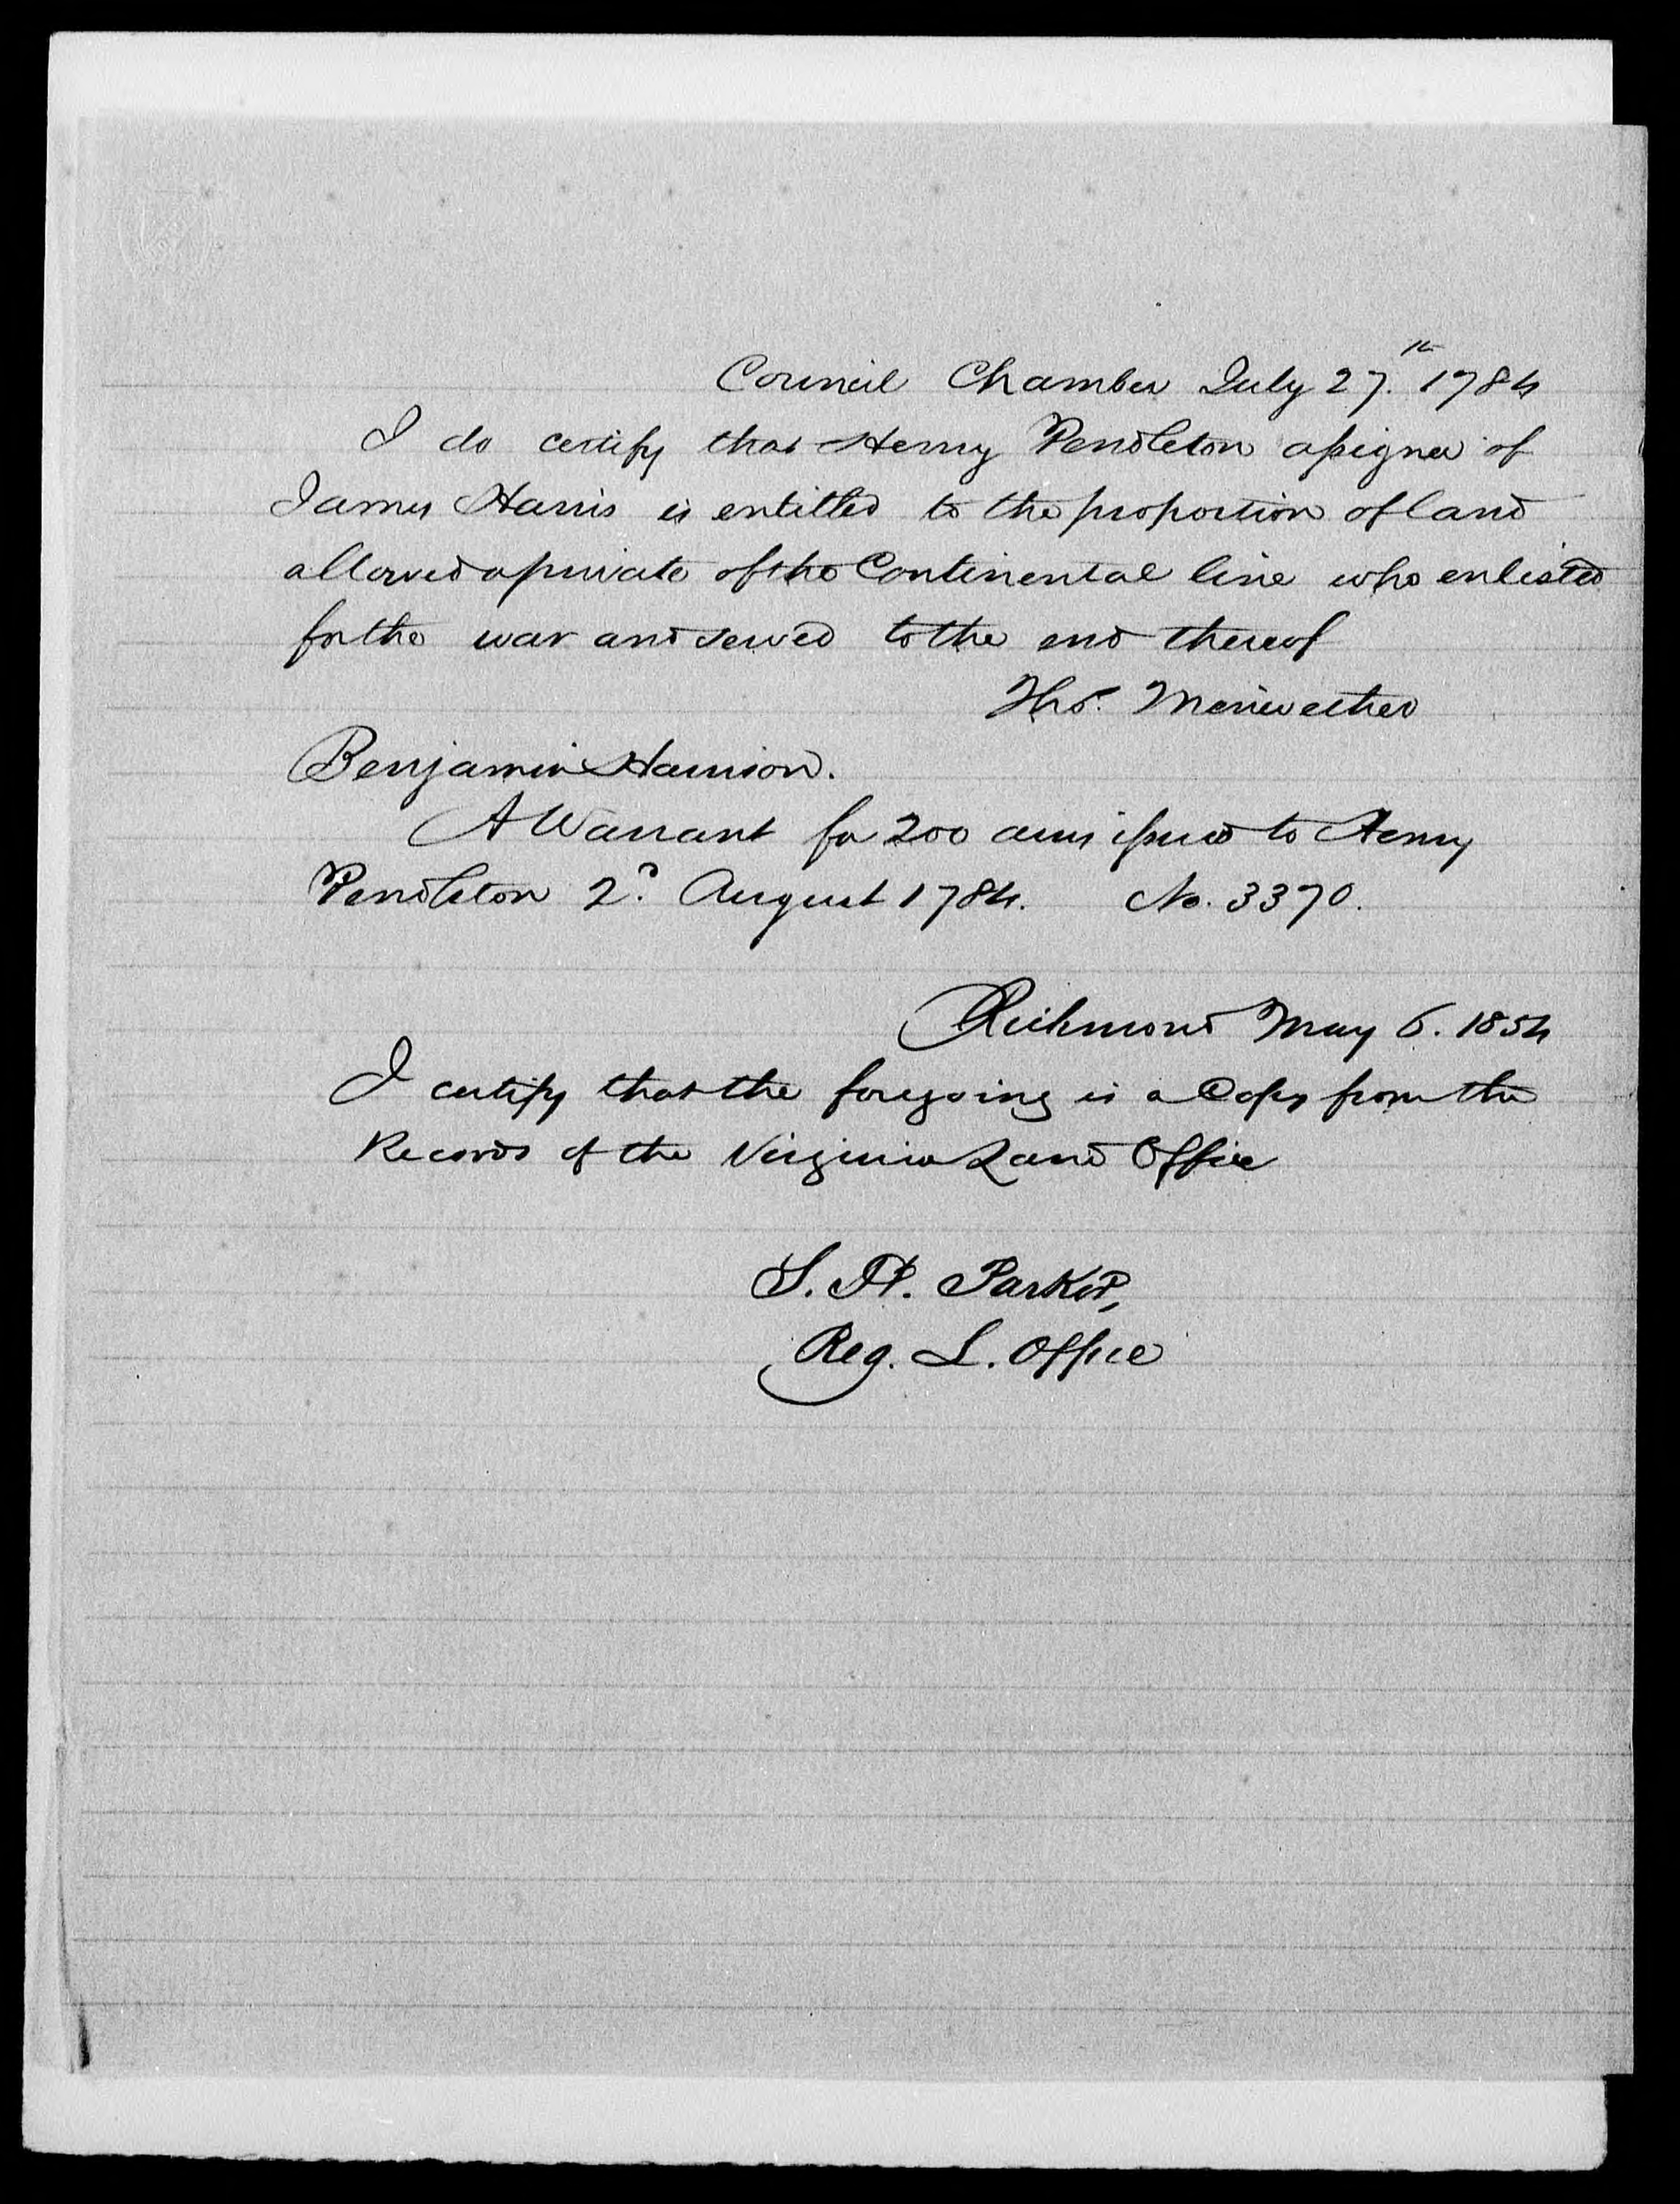Council Chamber  July 27th 1784

I do certify that Henry Pendleton assigner of James Harris is entitled to the proportion of land allowed a private of the Continental line who enlisted for the war and served to the end thereof
Tho. Meriwether

Benjamin Harrison.
A Warrant for 200 acers issued to Henry Pendleton 2nd August 1784.  No. 3370

Richmond May 6, 1854
I certify that the forgoing is a copy from the records of the Virginia Land Office.
S. H. Parker,
Reg. L. Office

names: S H Parker, A Warrant, James Harris, Henry Pendleton, Thos Meriwether, Benjamin Harrison, Henry Pendleton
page: 96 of 160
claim: rejected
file: R. 4666, James Harris, Va.